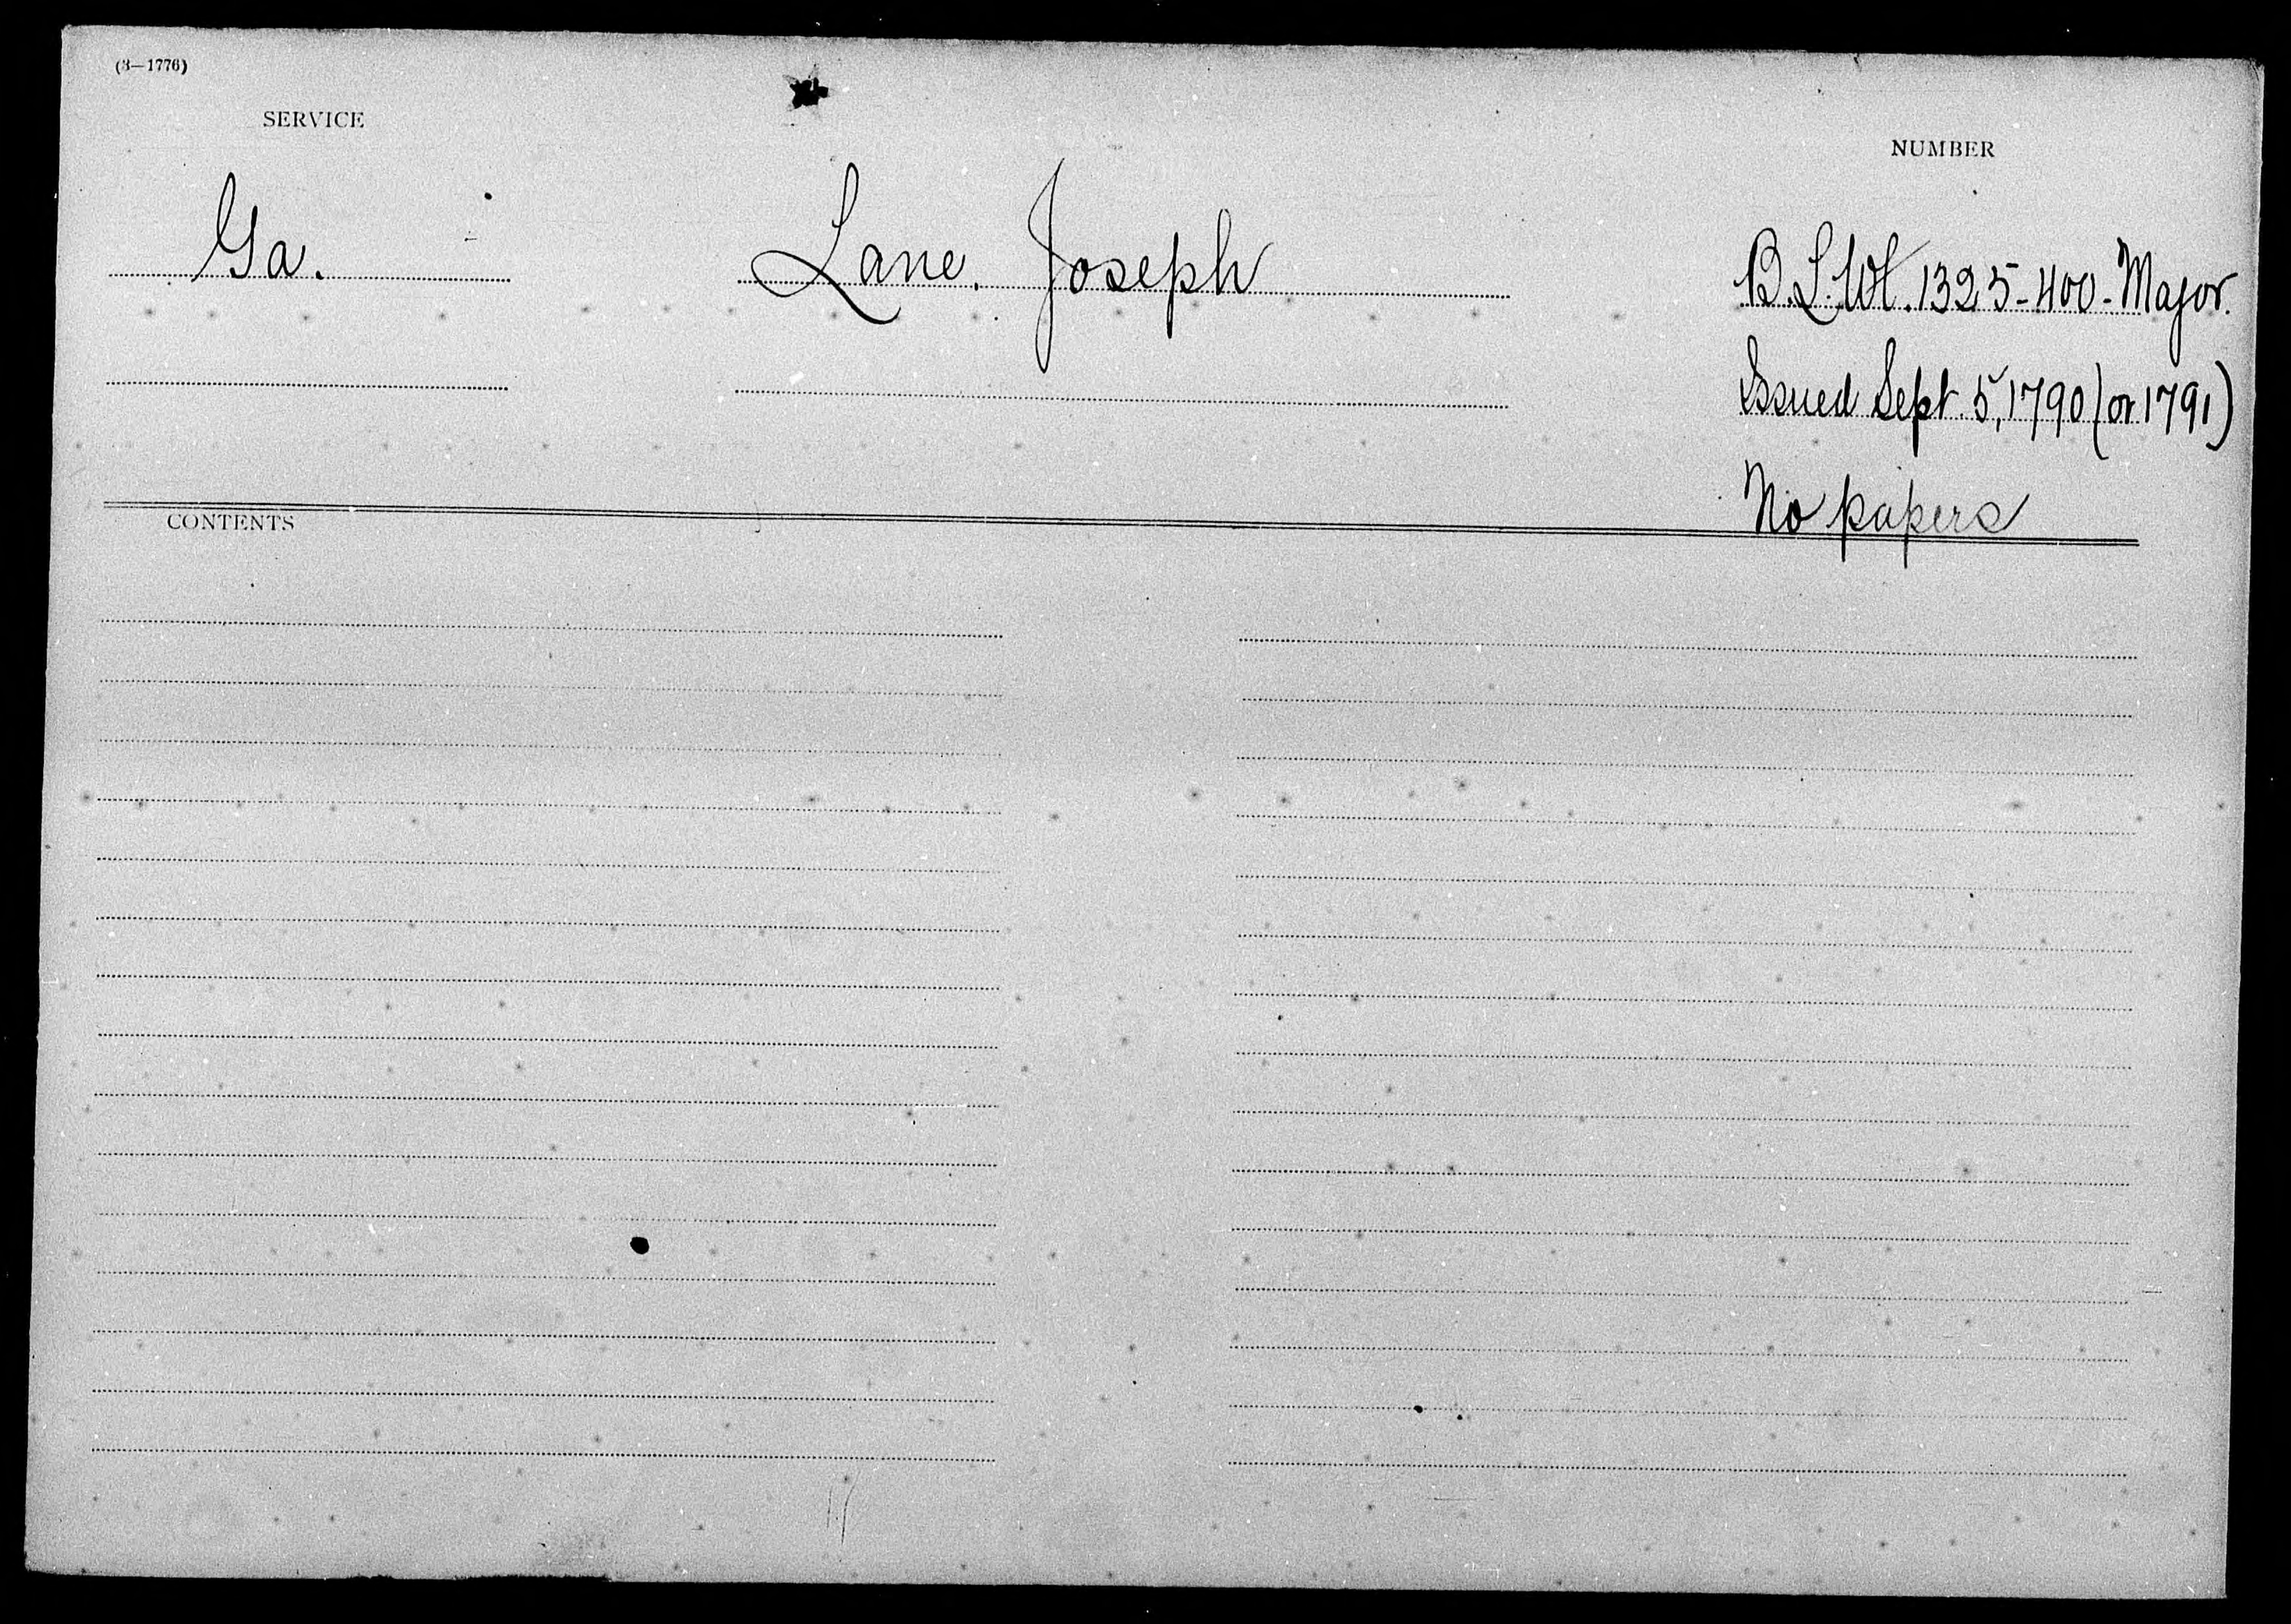Georgia
Lane, Joseph
B.L. (unk) 1325-HOO-Major
Issued Sept. 5, 1790 (or 1791)
No papers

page: 1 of 3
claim: bounty land warrant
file: B. L. Wt.1325-400, for Joseph Lane, Georgia